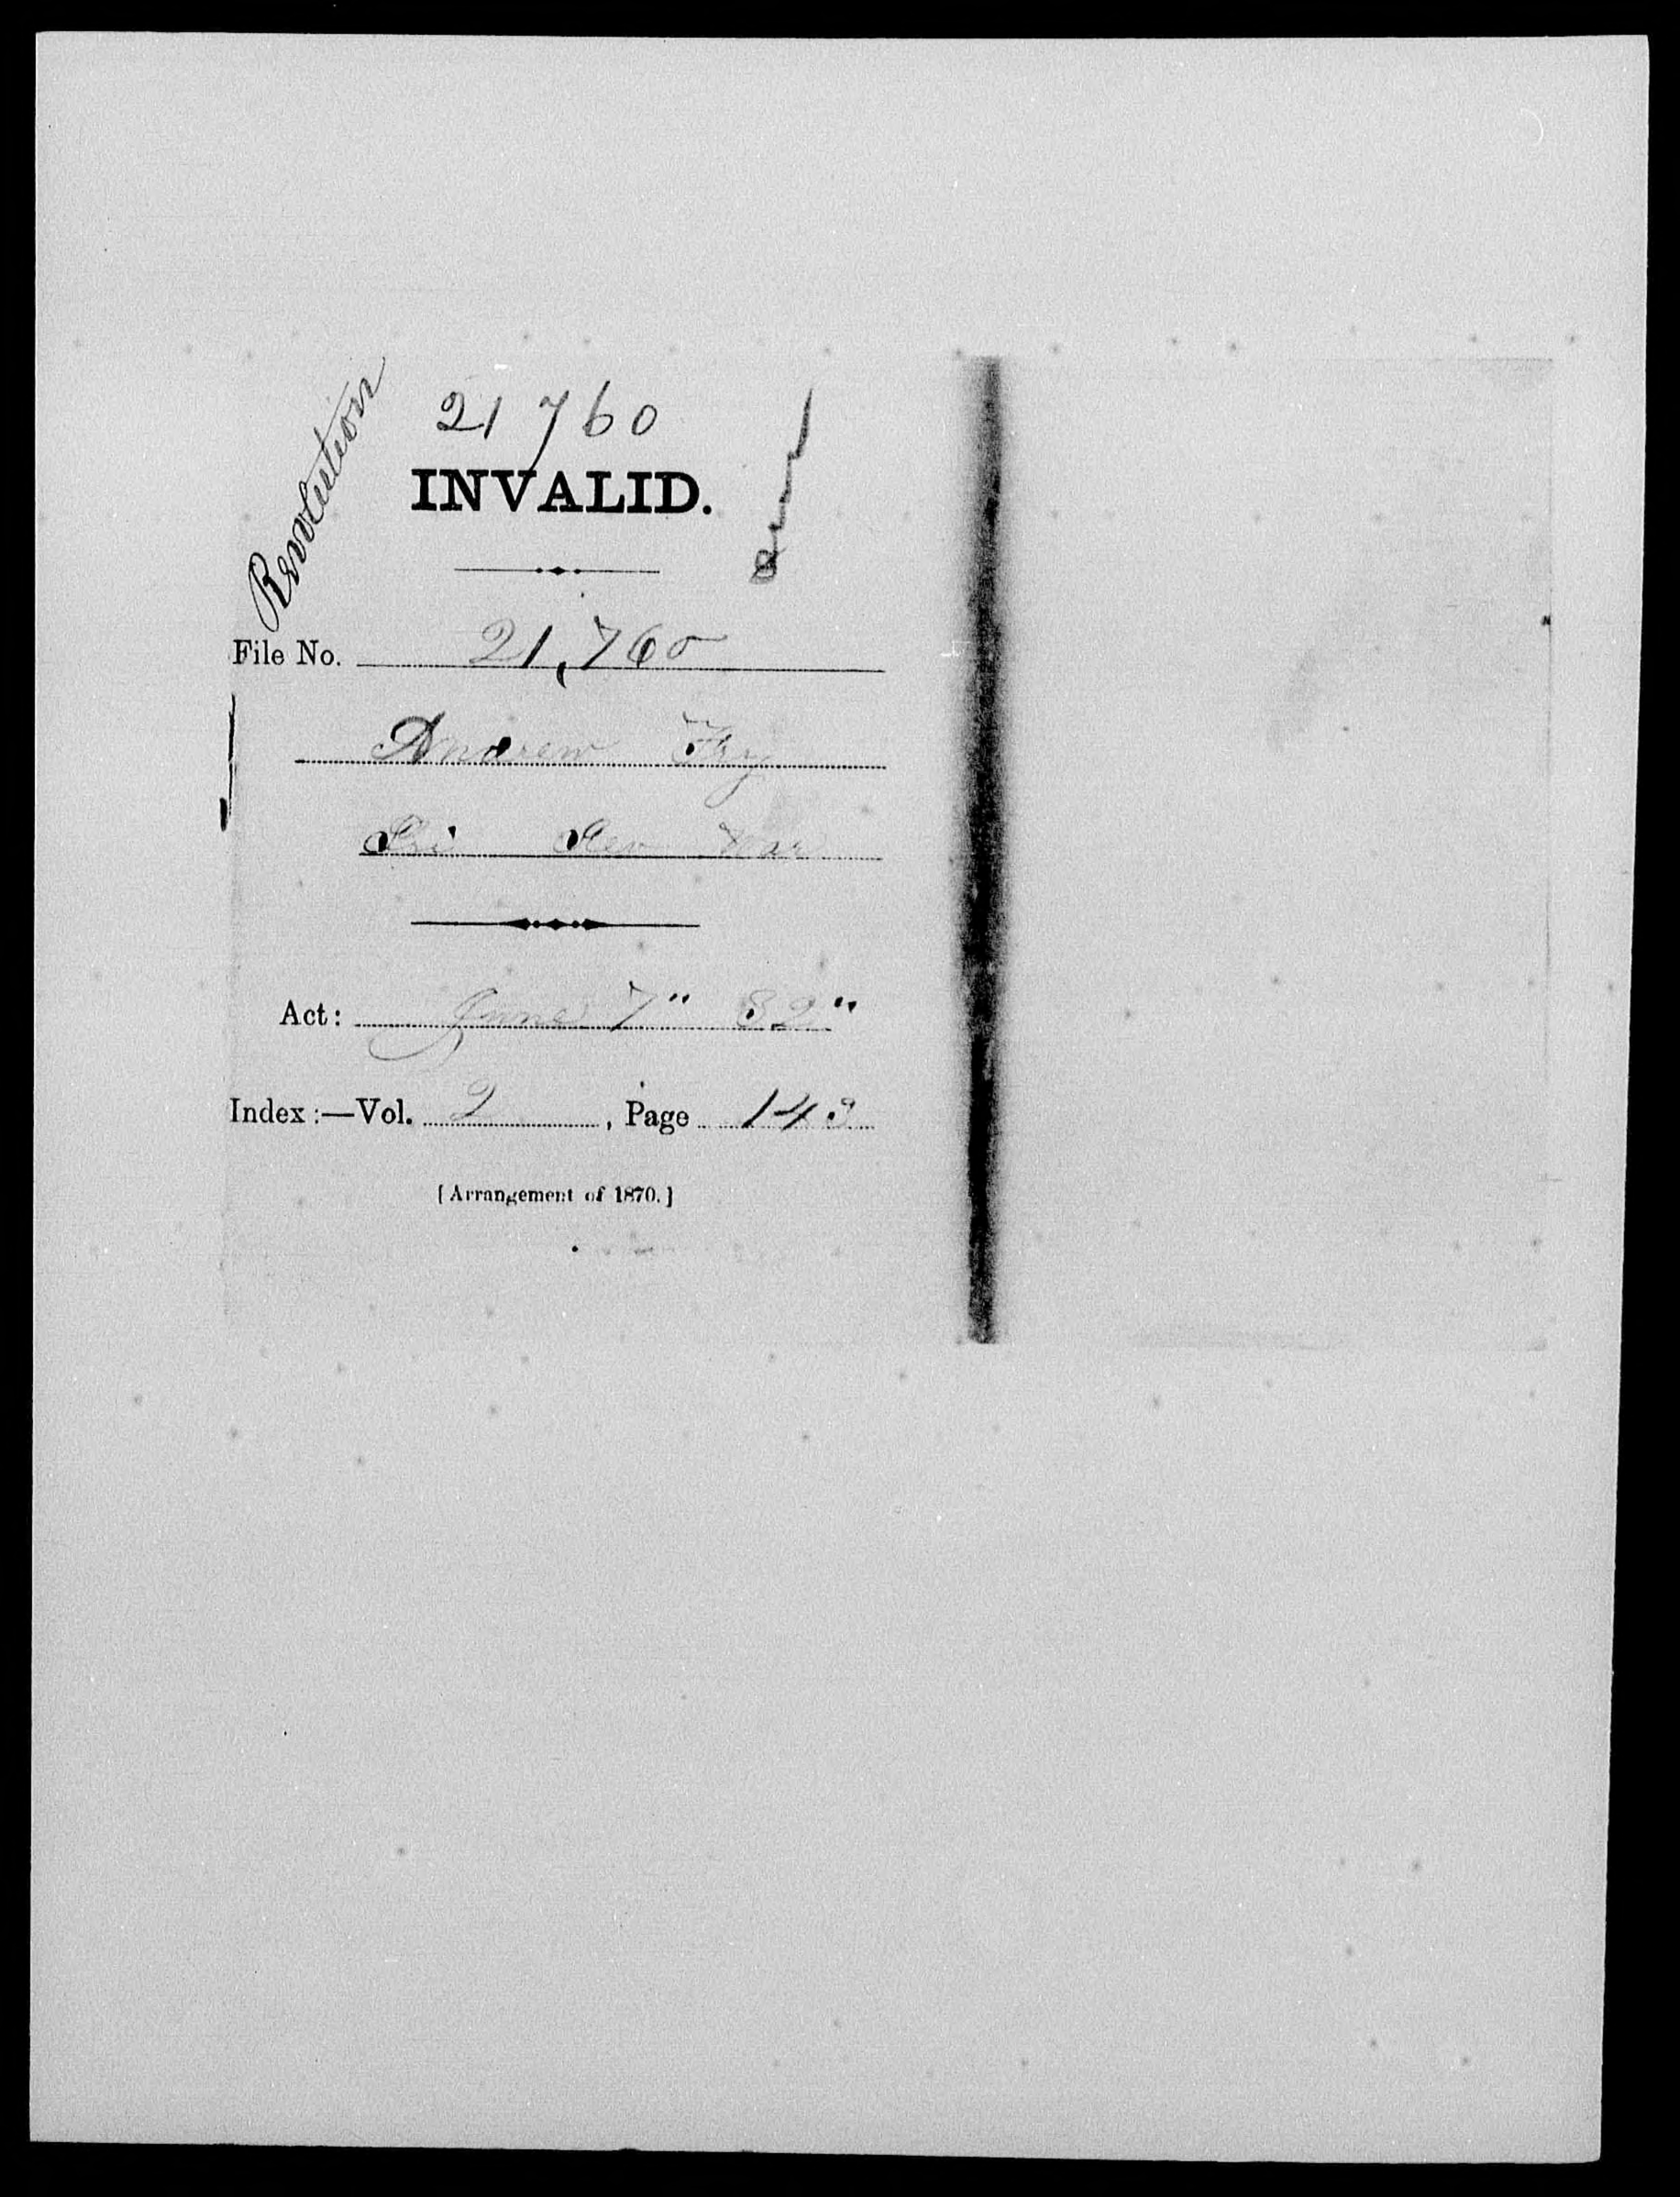Revolution
21 760
INVALID.
File No. 21,760
Andrew Fry
Pri Rev War
Act: Jun 7 82
Index:-Vol. 2, Page 143
[Arrangement of 1870]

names: Andrew Fry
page: 2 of 9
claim: survivor's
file: S. 21,760, Andrew Fry, R.I.